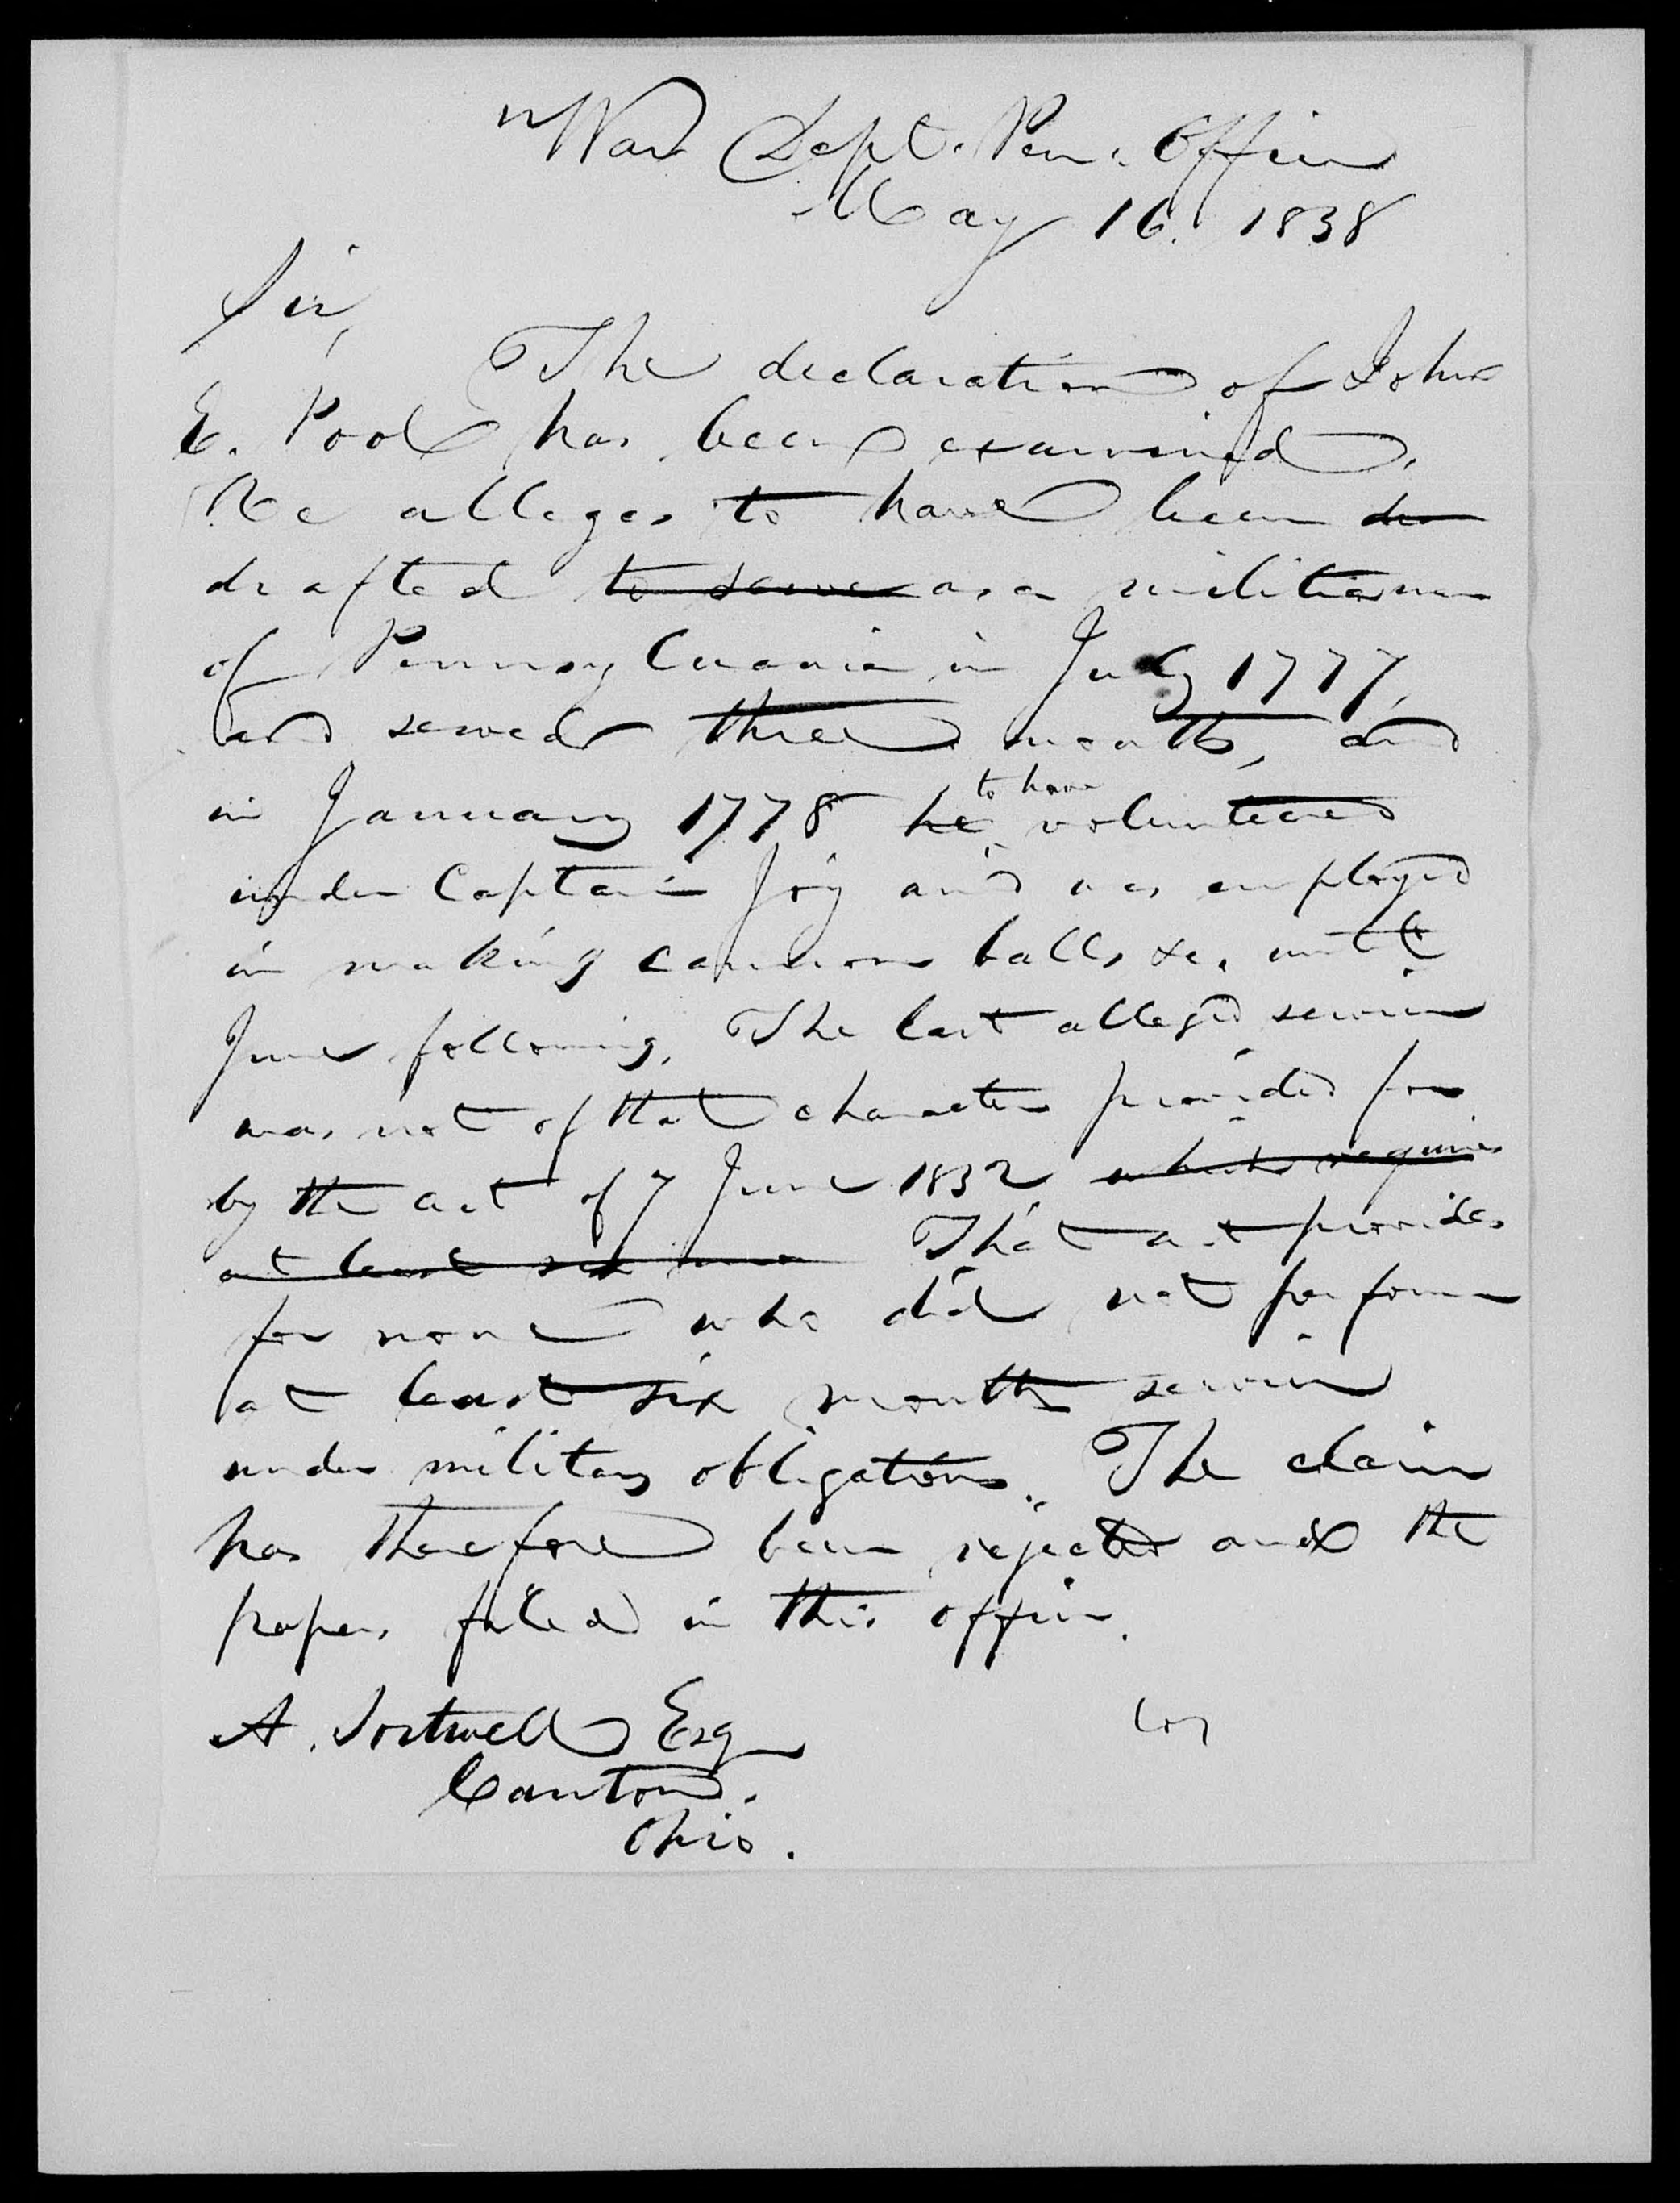War Dept. Pens Office
May 16, 1838

Sir.

The declaration of John E. Pool has been examined.  He alleges to have been drafted to serve as a militiaman of Pennsylvania in July 1777 and served three months, dis in January 1778. He to have volunteered under Captain Joy and was employed in making cannon ball, & until June following. The last alleged service and not of that character provided for by the Act of 7 1832.  That act provides for none who did not perform at least six months service under military obligations.  The claim has therefore been rejected and the paper filed in this office.
A. Sortwell Esq.
Canton, Ohio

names: A Sortwell; John E Pool; [BLANK] Joy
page: 17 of 22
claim: rejected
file: R. 8,319, for John Engle Pool, Pennsylvania